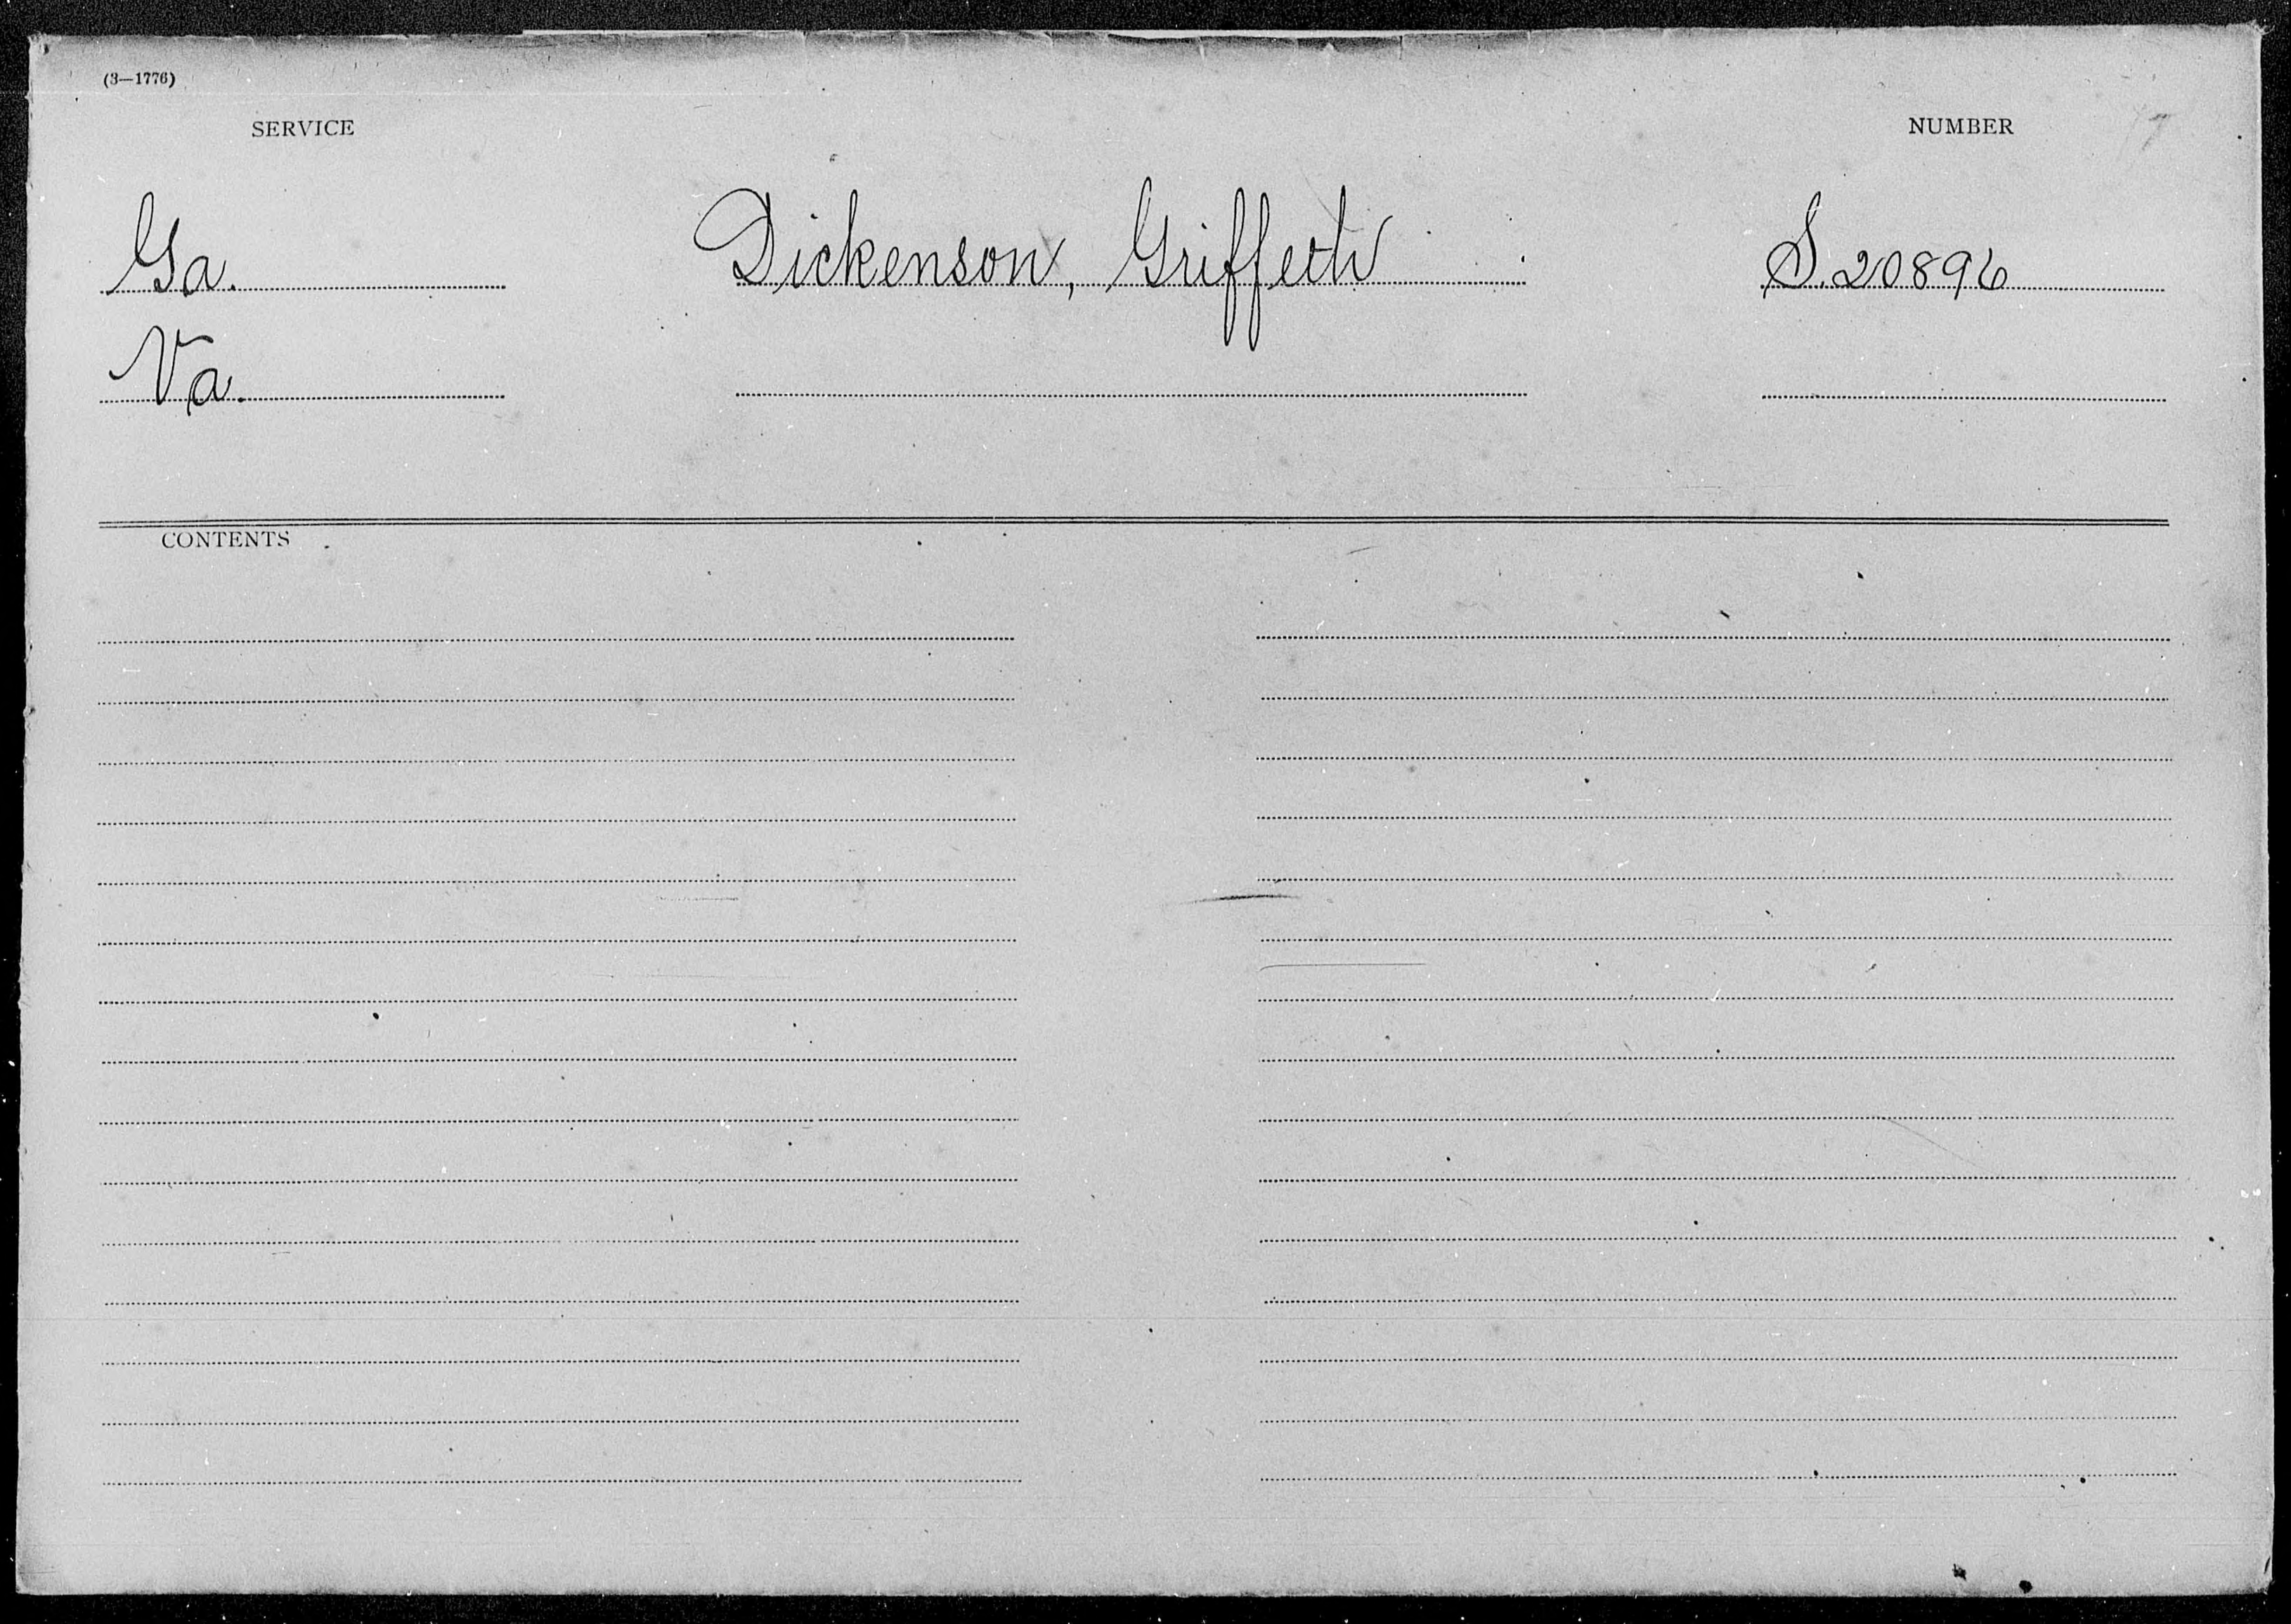(3-1776)
Service
Ga.
Va.
Dickenson, Griffeth
NUMBER S.20896
CONTENTS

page: 1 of 26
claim: survivor's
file: S. 20896, Griffeth Dickenson, Ga. Va.